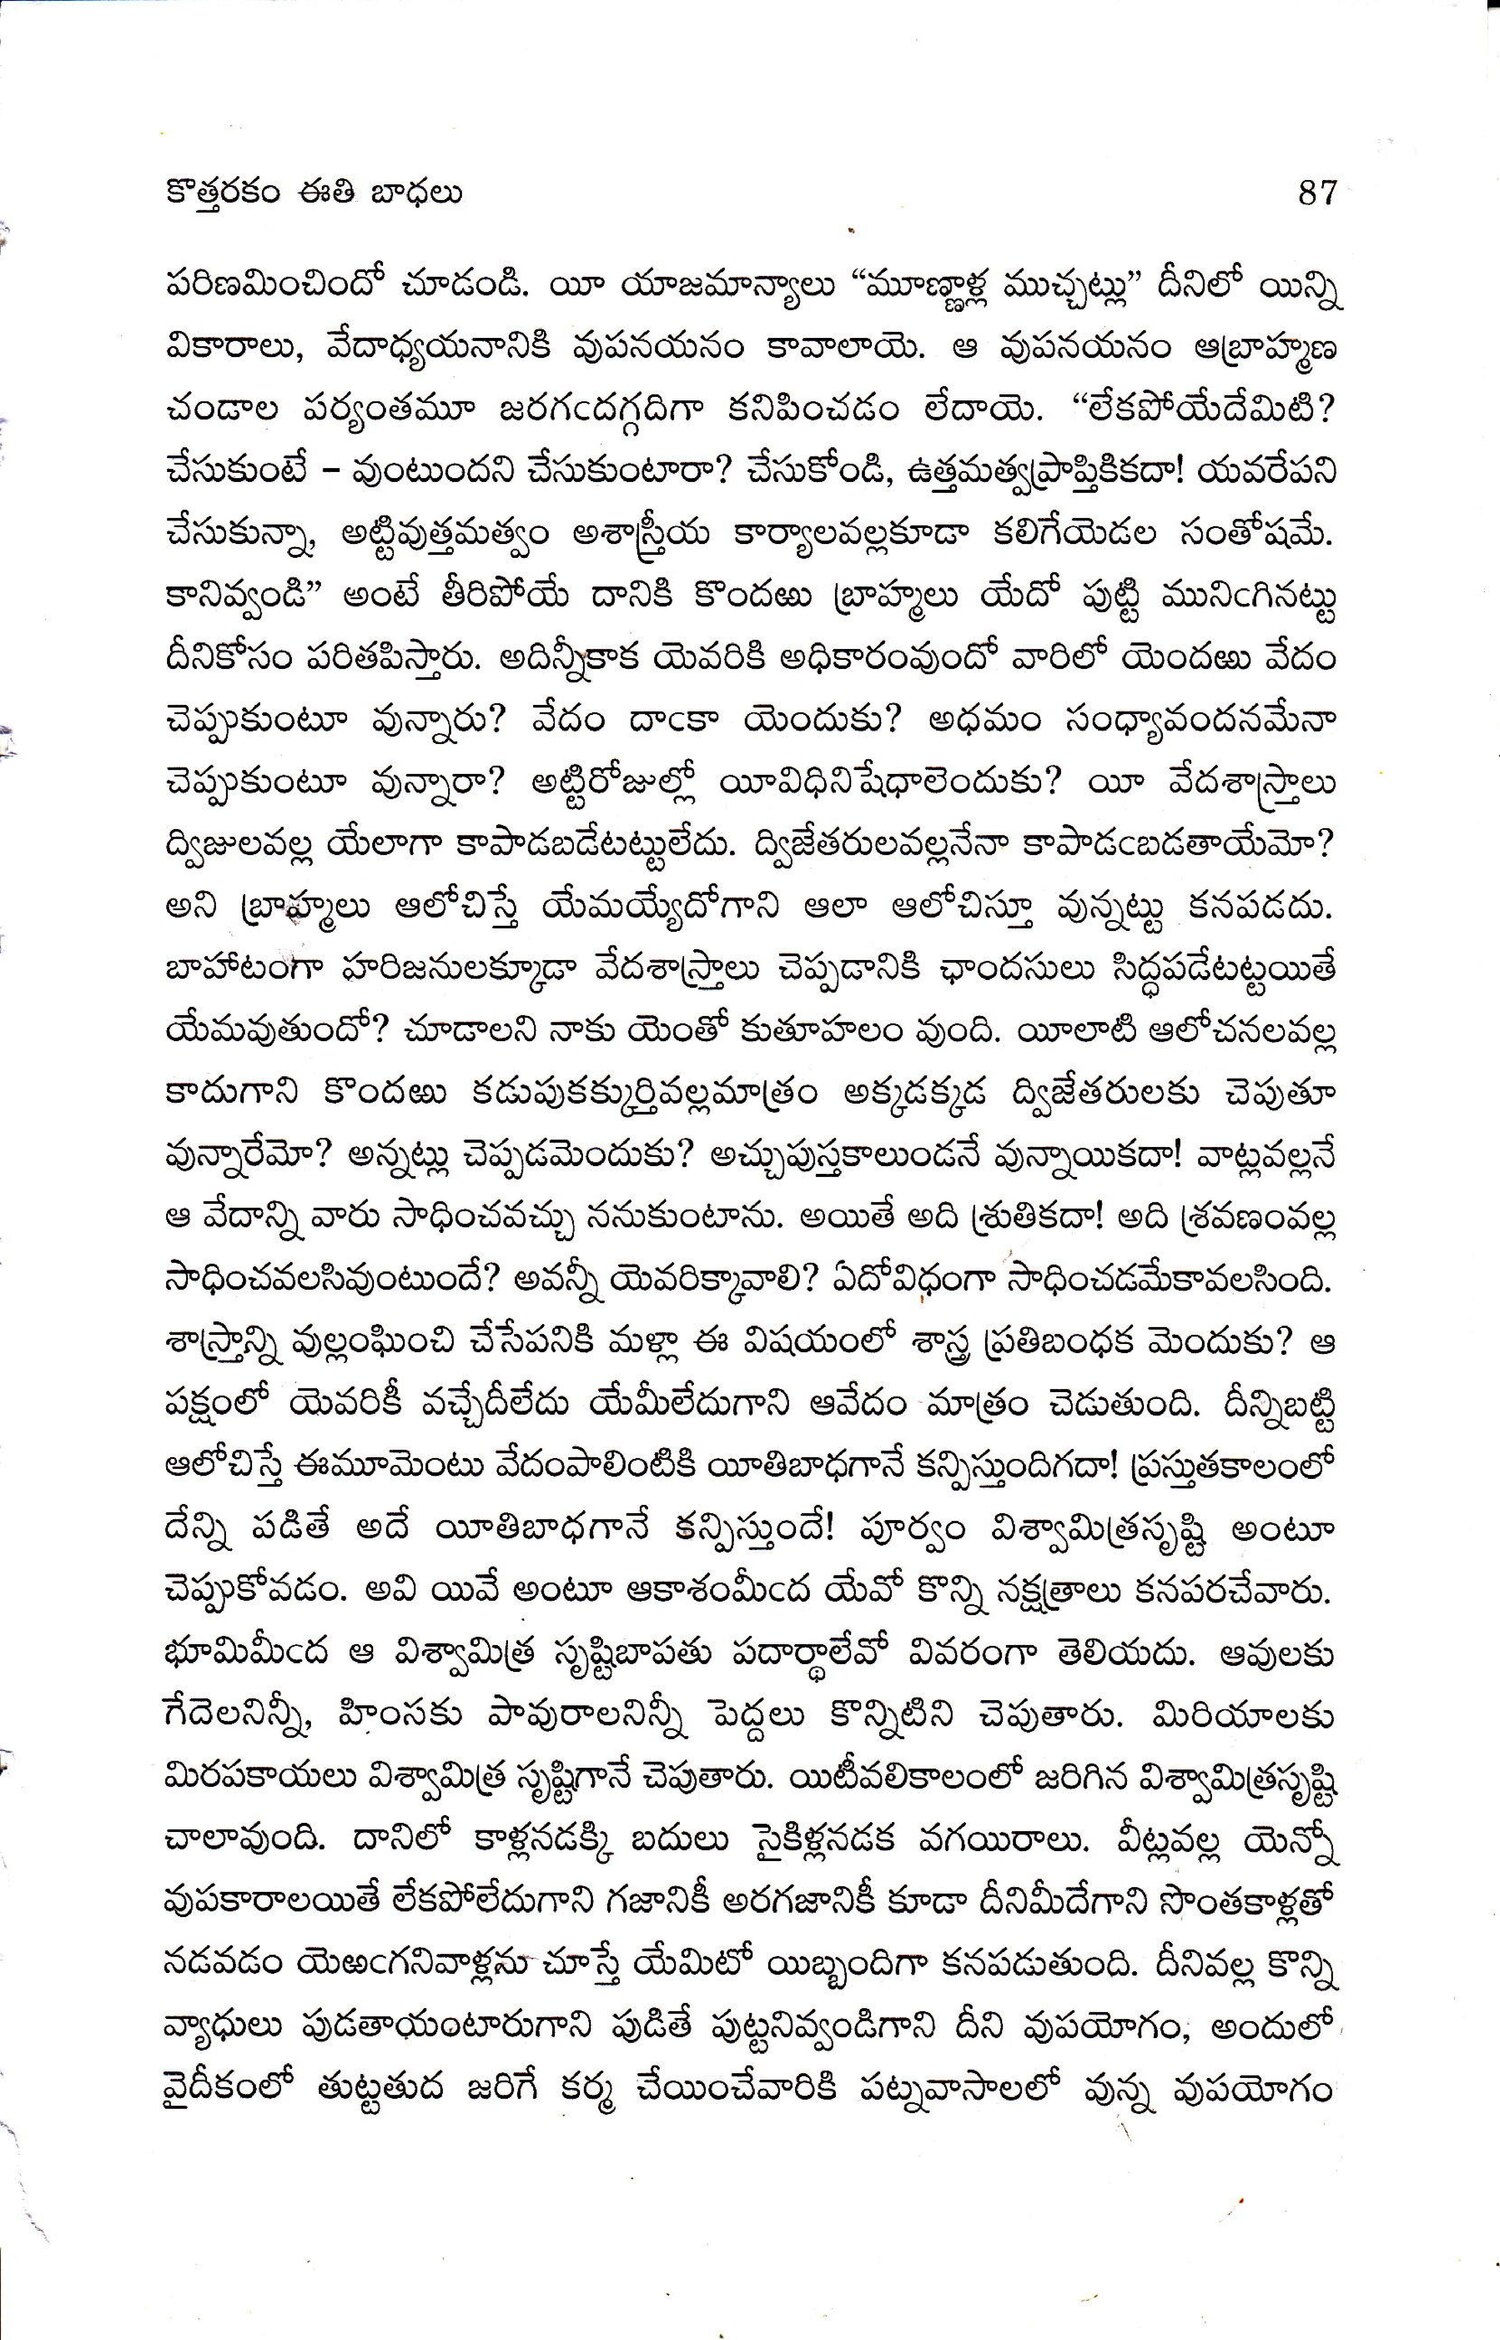పరిణమించిందో చూడండి. యీ యాజమాన్యాలు “మూణాళ్ల ముచ్చట్లు" దీనిలో యిన్ని వికారాలు, వేదాధ్యయనానికి వుపనయనం కావాలాయెు. ఆ వుపనయనం ఆబ్రాహ్మణ చండాల పర్యంతమూ జరగcదగ్గదిగా కనిపించడం లేదాయె. “లేకపోయేదేమిటి? చేసుకుంటే - వుంటుందని చేసుకుంటారా? చేసుకోండి, ఉత్తమత్వప్రాప్తికికదా! యవరేపని చేసుకున్నా అట్టివత్తమత్వం అశాస్త్రీయ కార్యాలవల్లకూడా కలిగేయొడల సంతోషమే. కానివ్వండి" అంటే తీరిపోయే దానికి కొందఱు బ్రాహ్మలు యేదో పుట్టి మునిఁగినట్టు దీనికోసం పరితపిస్తారు. అదిన్నీకాక యెవరికి అధికారంవుందో వారిలో యెందఱు వేదం చెప్పకుంటూ వున్నారు? వేదం దాఁకా యెందుకు? అధమం సంధ్యావందనమేనా చెప్పకుంటూ వున్నారా? అట్టిరోజుల్లో యీవిధినిషేధాలెందుకు? యీ వేదశాస్త్రాలు ద్విజులవల్ల యేలాగా కాపాడబడేటట్టులేదు. ద్విజేతరులవల్లనేనా కాపాడCబడతాయేమో? అని బ్రాహ్మలు ఆలోచిస్తే యేమయ్యేదోగాని ఆలా ఆలోచిస్తూ వున్నట్టు కనపడదు. బాహాటంగా హరిజనులక్కూడా వేదశాస్తాలు చెప్పడానికి ఛాందసులు సిద్ధపడేటట్టయితే యేమవుతుందో? చూడాలని నాకు యెంతో కుతూహలం వుంది. యీలాటి ఆలోచనలవల్ల కాదుగాని కొందఱు కడుపుకక్కుర్తివల్లమాత్రం అక్కడక్కడ ద్విజేతరులకు చెపుతూ వున్నారేమో? అన్నట్లు చెప్పడమెందుకు? అచ్చుపుస్తకాలుండనే వున్నాయికదా! వాట్లవల్లనే ఆ వేదాన్ని వారు సాధించవచ్చు ననుకుంటాను. అయితే అది శ్రుతికదా! అది శ్రవణంవల్ల సాధించవలసివుంటుందే? అవన్నీ యెవరిక్కావాలి? ఏదోవిధంగా సాధించడమేకావలసింది. - శాస్తాన్ని వుల్లంఘించి చేసేపనికి మళ్లా ఈ విషయంలో శాస్త్ర ప్రతిబంధక మెందుకు? ఆ పక్షంలో యెవరికీ వచ్చేదీలేదు యేమీలేదుగాని ఆవేదం మాత్రం చెడుతుంది. దీన్నిబట్టి ఆలోచిస్తే ఈమూమెంటు వేదంపాలింటికి యీతిబాధగానే కన్పిస్తుందిగదా! ప్రస్తుతకాలంలో దేన్ని పడితే అదే యీతిబాధగానే కన్పిస్తుందే! పూర్వం విశ్వామిత్రసృష్టి అంటూ చెప్పకోవడం. అవి యివే అంటూ ఆకాశంమీంద యేవో కొన్ని నక్షత్రాలు కనపరచేవారు. భూమిమీంద ఆ విశ్వామిత్ర సృష్టిబాపతు పదార్థాలేవో వివరంగా తెలియదు. ఆవులకు గేదెలనిన్నీ, హింసకు పావురాలనిన్నీ పెద్దలు కొన్నిటిని చెపుతారు. మిరియాలకు మిరపకాయలు విశ్వామిత్ర సృష్టిగానే చెపుతారు. యిటీవలికాలంలో జరిగిన విశ్వామిత్రసృష్టి చాలావుంది. దానిలో కాళ్లనడక్కి బదులు సైకిళ్లనడక వగయిరాలు. వీట్లవల్ల యెన్నో వుపకారాలయితే లేకపోలేదుగాని గజానికీ అరగజానికీ కూడా దీనిమీదేగాని సొంతకాళ్లతో నడవడం యెఱంగనివాళ్లను చూస్తే యేమిటో యిబ్బందిగా కనపడుతుంది. దీనివల్ల కొన్ని వ్యాధులు పుడతాయంటారుగాని పుడితే పుట్టనివ్వండిగాని దీని వుపయోగం, అందులో వైదీకంలో తుట్టతుద జరిగే కర్మ చేయించేవారికి పట్నవాసాలలో వున్న వుపయోగం